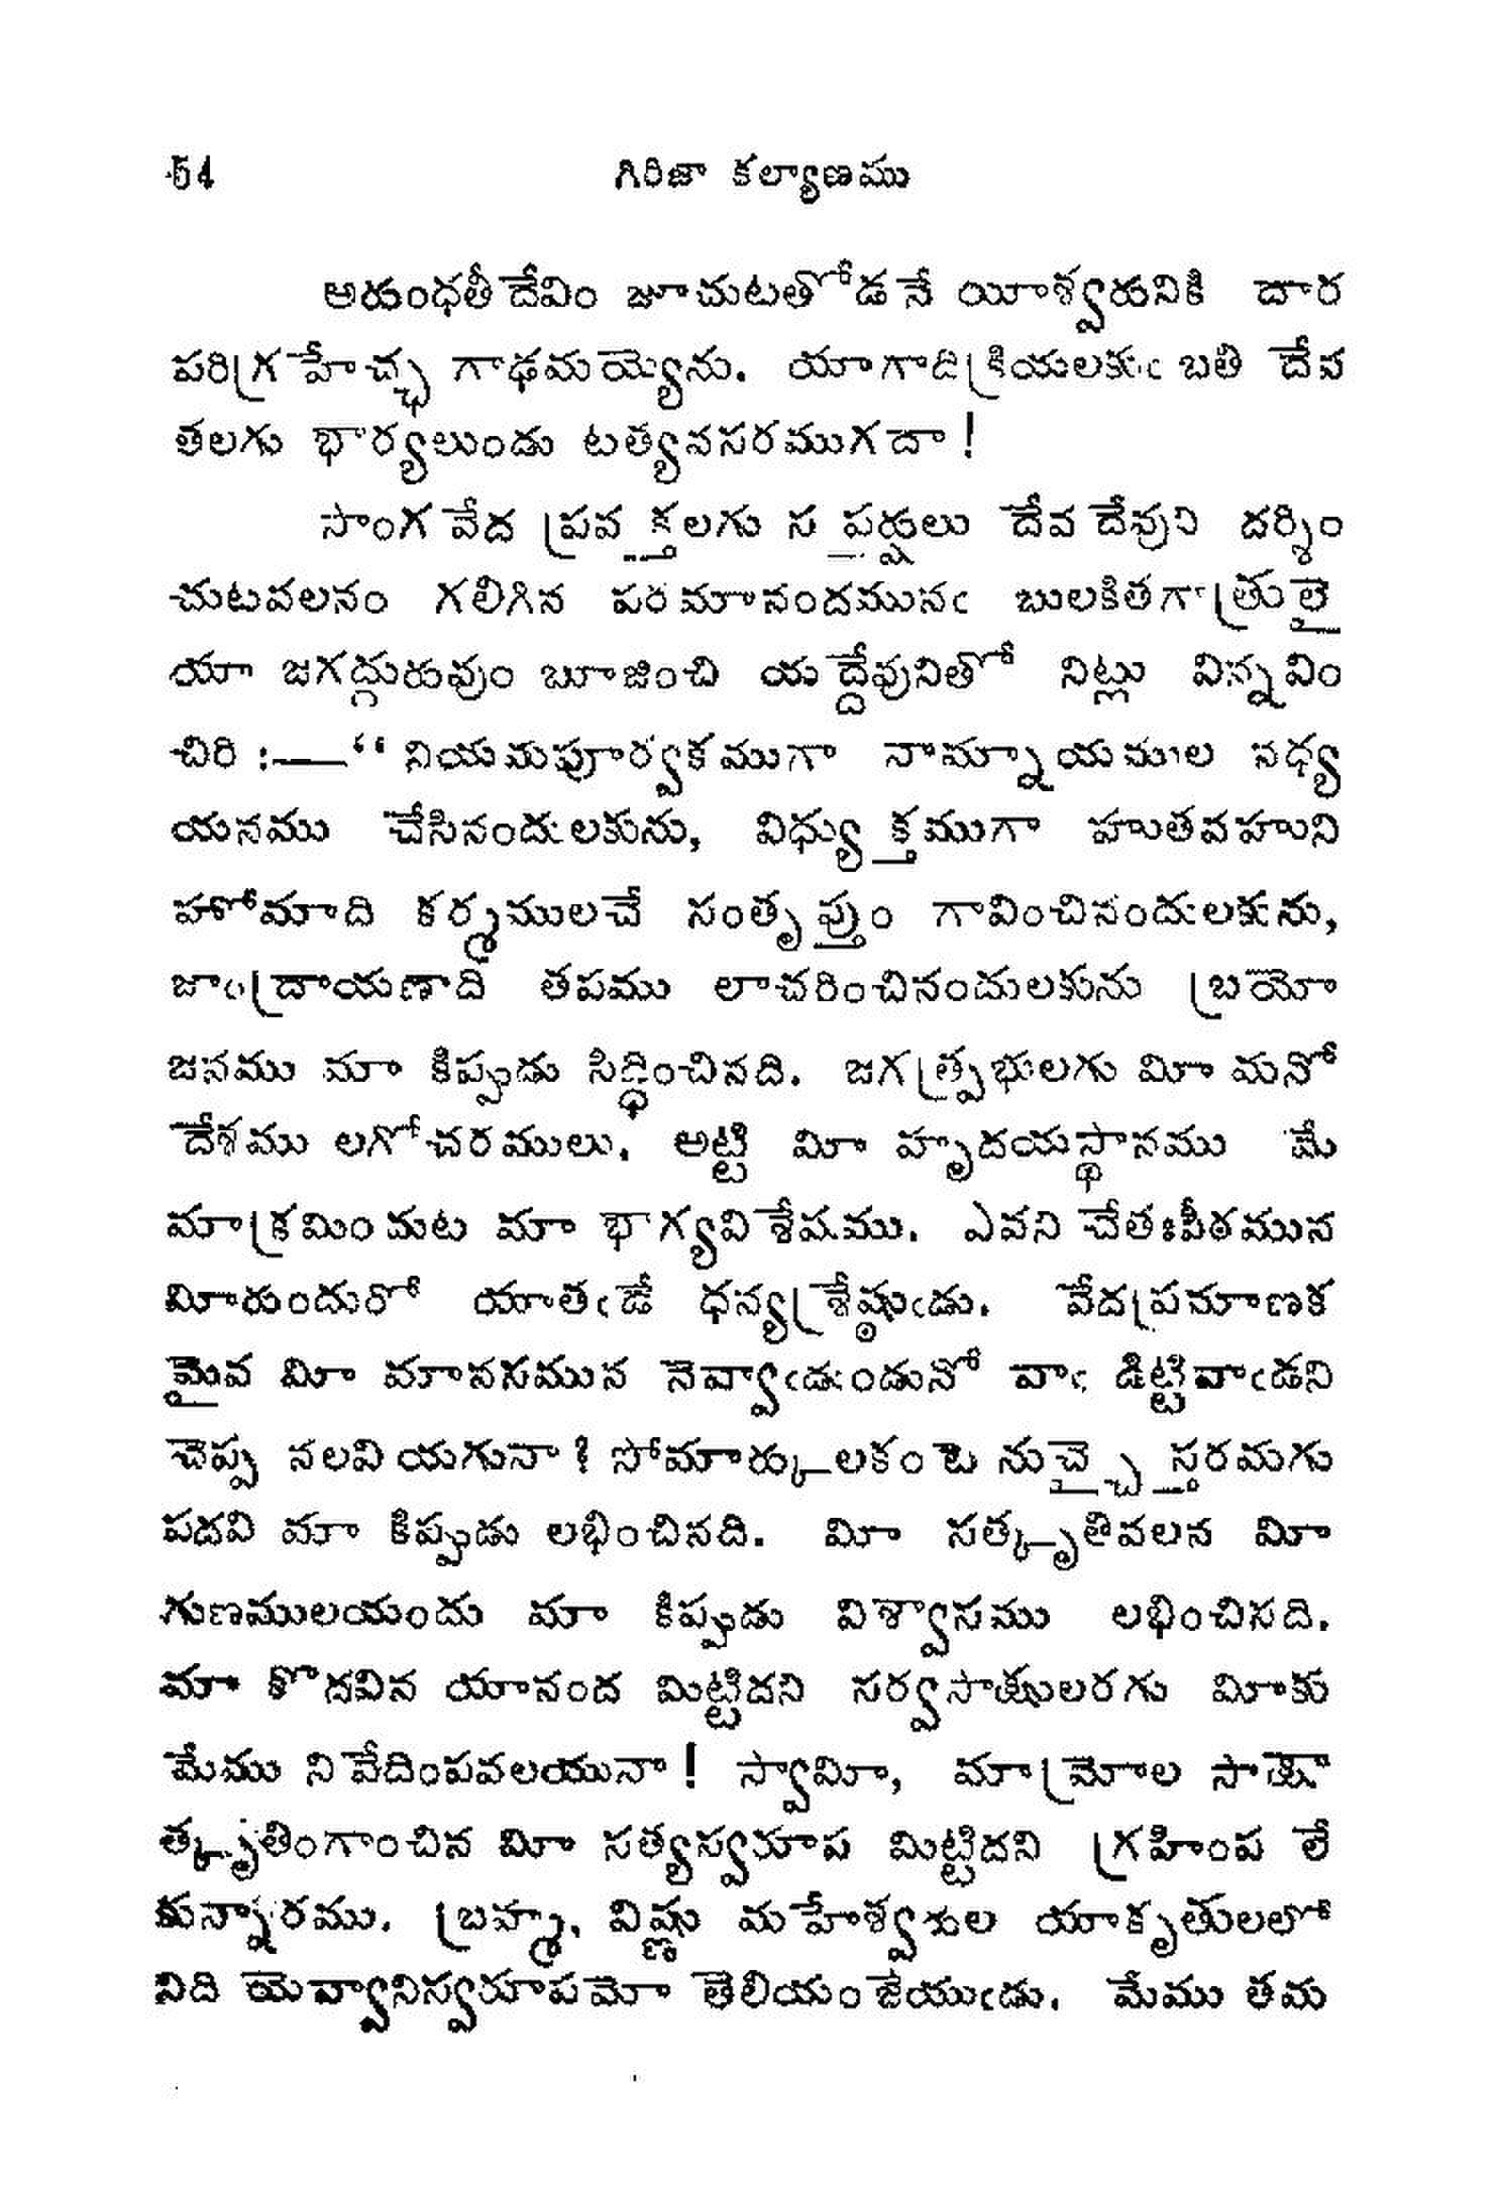ఆరుంధతీ దేవిం జూచుటతోడనే యీశ్వరునికి దార పరిగ్రహేచ్ఛ గాఢమయ్యెను. యాగాది క్రియలకుఁ బతి దేవతలగు భార్యలుండు టత్యవసరముగదా !

సాంగ వేద ప్రవక్తలగు సప్తర్షులు దేవ దేవుని దర్శించుటవలనం గలిగిన పరమానందమునఁ బులకితగాత్రులై యా జగద్గురువుం బూజించి యద్దేవునితో నిట్లు విన్నవించిరి :- " నియమపూర్వకముగా నామ్నాయముల నధ్యయనము చేసినందులకును, విధ్యుక్తముగా హుతవహుని హోమాది కర్మములచే సంతృప్తం గావించినందులకును, జాఁద్రాయణాది తపము లాచరించినందులకును బ్రయోజనము మా కిప్పుడు సిద్ధించినది. జగత్ప్రభులగు మీ మనో దేశము లగోచరములు, అట్టి మీ హృదయస్థానము మే మాక్రమించుట మా భాగ్యవిశేషము. ఎవని చేతఃపీఠమున మీరుందురో యాతఁడే ధన్యశ్రేష్ఠుఁడు. వేదప్రమాణకమైన మీ మానసమున నెవ్వఁడుండునో వాఁ డిట్టివాఁడని చెప్ప నలవి యగునా ? సోమార్కులకంటె నుచ్చై స్తరమగు పదవి మా కిప్పుడు లభించినది. మీ సత్కృతివలన మీ గుణములయందు మా కిప్పుడు విశ్వాసము లభించినది. మా కొదవిన యానంద మిట్టిదని సర్వసాక్షులరగు మీకు మేము నివేదింపవలయునా! స్వామి, మామ్రోల సాక్షాత్కృతింగాంచిన మీ సత్యస్వరూప మిట్టిదని గ్రహింప లే కున్నారము, బ్రహ్మ, విష్ణు మహేశ్వరులు యాకృతులలో నిది యెవ్వానిస్వరూపమో తెలియంజేయుఁడు. మేము తమ